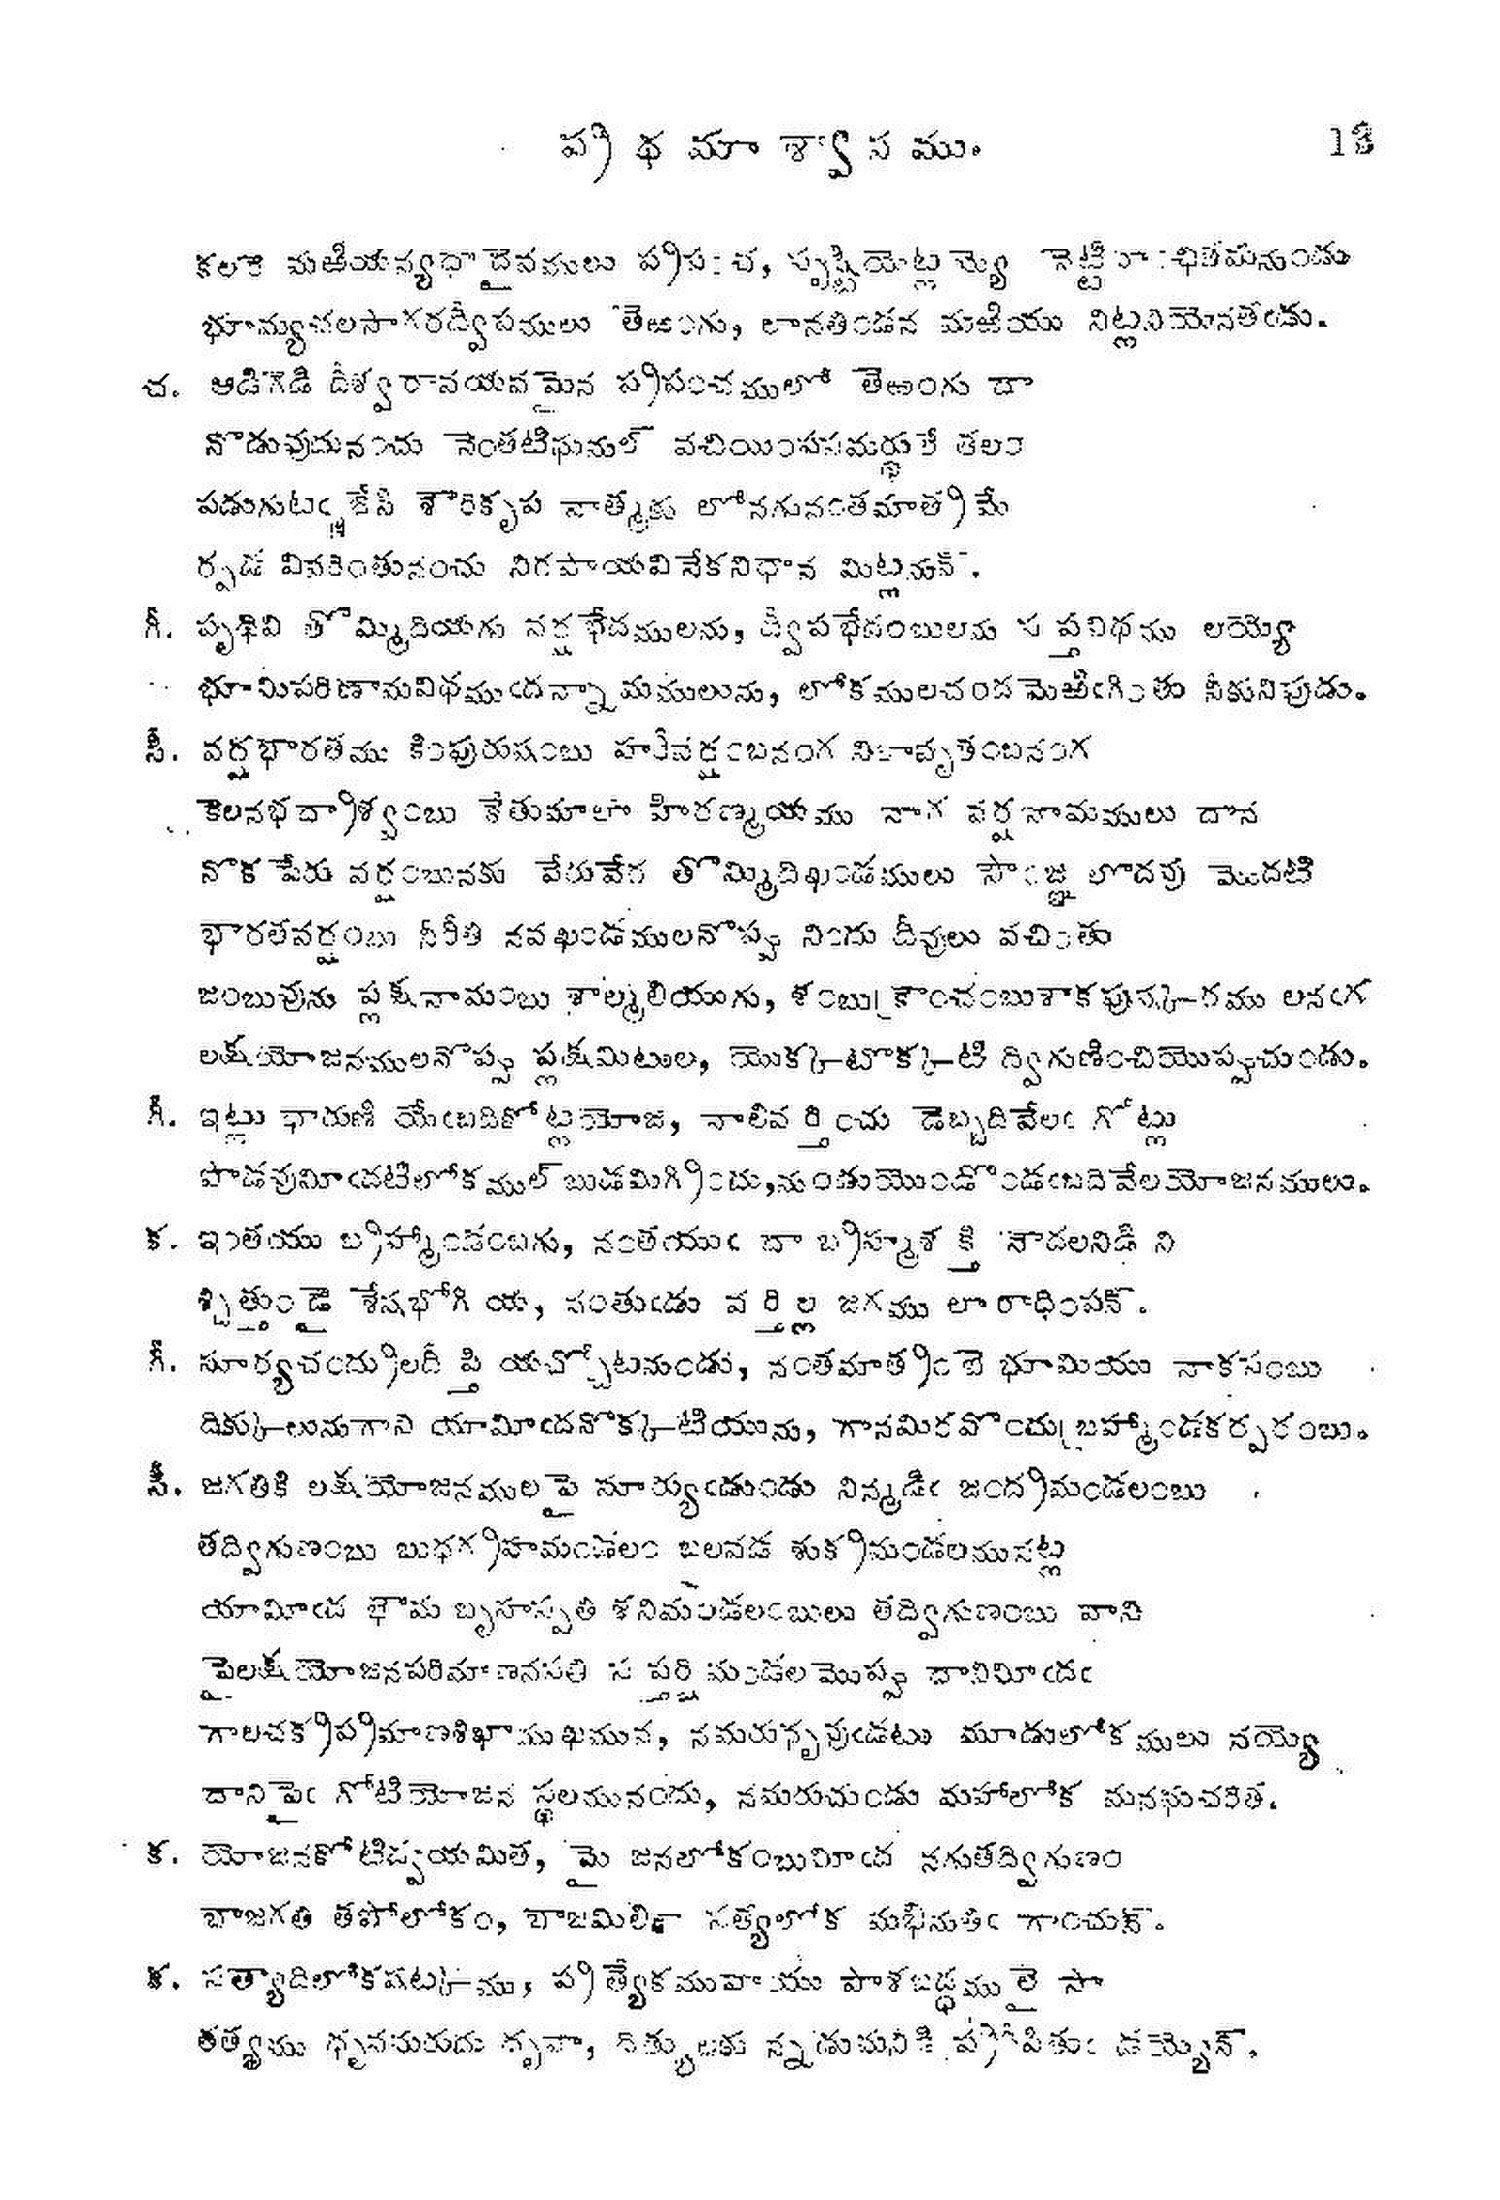కలరె మఱియన్యదైవములు ప్రపంచ, సృష్టియెట్లయ్యె నెట్టివాంఛితమనుండు
 భూమ్యచలసాగరద్వీపములు తెఱంగు, లానతిండన మఱియు నిట్లనియె నతఁడు.
చ. అడిగెడి దీశ్వరావయవమైన ప్రపంచములో తెఱంగు దా
 నొడువుదునంచు నెంతటిఘనుల్ వచియింపసమర్థులే తలం
 పడుగుటఁ జేసి శౌరికృప నాత్మకు లోనగునంతమాత్ర మే
 ర్పడు వివరింతునంచు నిరపాయవివేకనిధాన మిట్లనున్.
గీ. పృథివి తొమ్మిదియగు నర్షభేదములను, ద్వీపభేదంబులను సప్తవిధము లయ్యె
 భూమిపరిణామవిధముఁ దన్నామములును, లోకములచంద మెఱిఁగింతు నీకు నిపుడు.
సీ. వర్షభారతము కింపురుషంబు హరీవర్షంబనంగ నిలావృతంబనంగ
 కెలనభద్రాశ్వంబు కేతుమాలాహిరణ్మయము నాగ వర్షనామములు దాన
 నొకపేరు వర్షంబునకు వేరువేర తొమ్మిదిఖండములు సౌంజ్ఞ లొదవు మొదటి
 భారతవర్షంబు నీరీతి నవఖండములనొప్పు నిందు దీవులు వచింతు
 జంబువును ప్లక్షనామంబు శాల్మలియు గు, శంబు క్రౌంచంబు శాక పుష్కరము లనఁగ
 లక్షయోజనముల నొప్పు ప్లక్ష మిటుల, యొక్కటొక్కటి ద్విగుణించి యొప్పుచుండు.
గీ. ఇట్లు ధారుణి యేఁబదికోట్లయోజ, నాలివర్తించు డెబ్బదివేలఁ గోట్లు
 పొడవుమీఁదటిలోకముల్ బుడమిగ్రిందు, నుండు యొండొండఁ బదివేలయోజనములు.
క. ఇంతయు బ్రహ్మాండంబగు, నంతయు దా బ్రహ్మశక్తి నౌదలనిడి ని
 శ్చితుండై శేషభోగి య, నంతుఁడు వర్తిల్ల జగము లారాధింపన్.
గీ. సూర్యచంద్రులదీప్తి యచ్చోటనుండు, నంతమాత్రంబె భూమియు నాకసంబు
 దిక్కులునుగాని యామీఁదనోక్కటియును, గానమిక వొందు బ్రహ్మాండకర్పరంబు.
సీ. జగతికి లక్షయోజనములపై సూర్యుఁడుండు నిన్మడిఁ జంద్రమండలంబు
 తద్విగుణంబు బుధగ్రహమండలం బలవడ శుక్రమండలము నట్ల
 యామీఁద భౌమ బృహస్పతి శనిమండలంబులు తద్విగుణంబు వాని
 పై లక్షయోజనపరిమాణనసతి సప్తర్షిమండల మొప్పు దానిమీఁద
 గాలచక్రప్రమాణశిఖాముఖమున, నమరు ధృవుడటు మూడులోకములు నయ్యె
 దానిపైఁ గోటియోజనస్థలమునందు, నమరుచుండు మహాలోక మనఘచరిత.
క. యోజనకోటిద్వయమిత, మై జనలోకంబుమీఁద నగుతద్విగుణం
 బాజగతి తపోలోకం, బాజమిలిన్ సత్యలోక మభినుతిఁ గాంచున్.
క. సత్యాదిలోకషట్కము, ప్రత్యేకము వాయు పాశబద్ధములై సా
 తత్యము ధృవమరుదు ధృవా, దిత్యులకు న్నడుమనిడి ప్రదీపితుఁ డయ్యెన్.